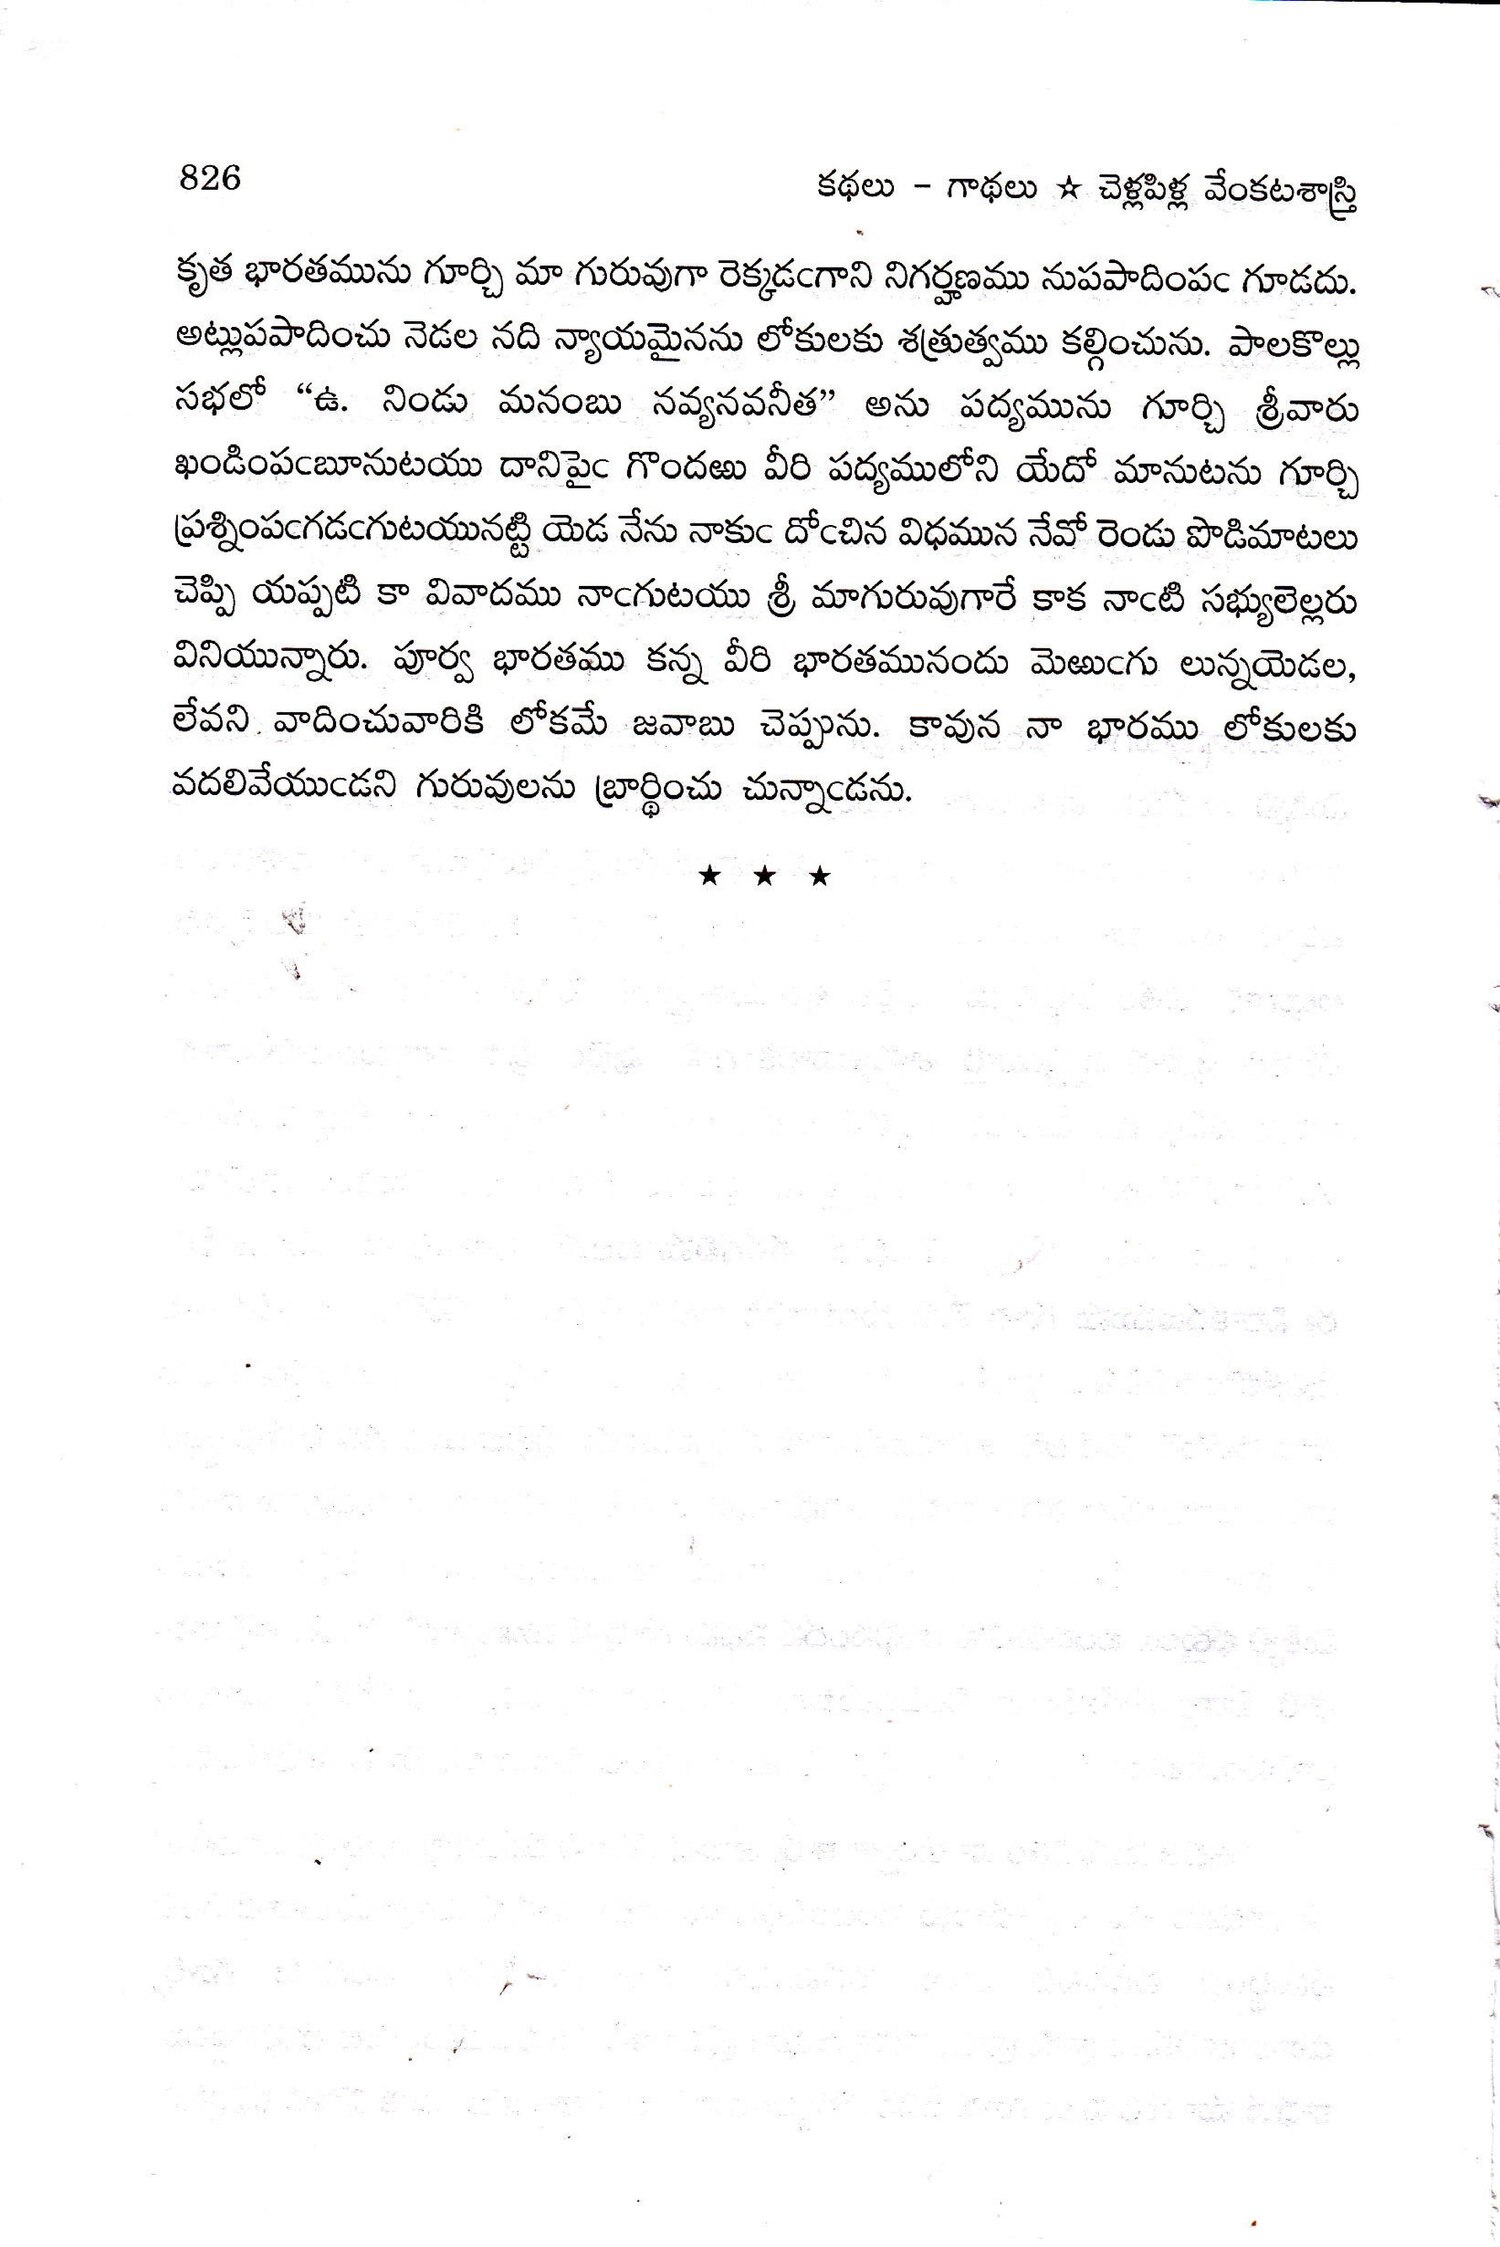కృత భారతమును గూర్చి మా గురువుగా రెక్కడఁగాని నిగర్హణము నుపపాదింపఁ గూడదు. అట్లుపపాదించు నెడల నది న్యాయమైనను లోకులకు శత్రుత్వము కల్గించును. పాలకొల్లు సభలో “ఉ. నిండు మనంబు నవ్యనవనీత" అను పద్యమును గూర్చి శ్రీవారు ఖండింపఁబూనుటయు దానిపైఁ గొందఱు వీరి పద్యములోని యేదో మానుటను గూర్చి ప్రశ్నింపఁగడఁగుటయునట్టి యెడ నేను నాకుఁ దోఁచిన విధమున నేవో రెండు పొడిమాటలు చెప్పి యప్పటి కా వివాదము నాఁగుటయు శ్రీ మాగురువుగారే కాక నాఁటి సభ్యులెల్లరు వినియున్నారు. పూర్వ భారతము కన్న వీరి భారతమునందు మెఱుఁగు లున్నయెడల, లేవని వాదించువారికి లోకమే జవాబు చెప్పును. కావున నా భారము లోకులకు వదలివేయుఁడని గురువులను బ్రార్థించు చున్నాఁడను. -